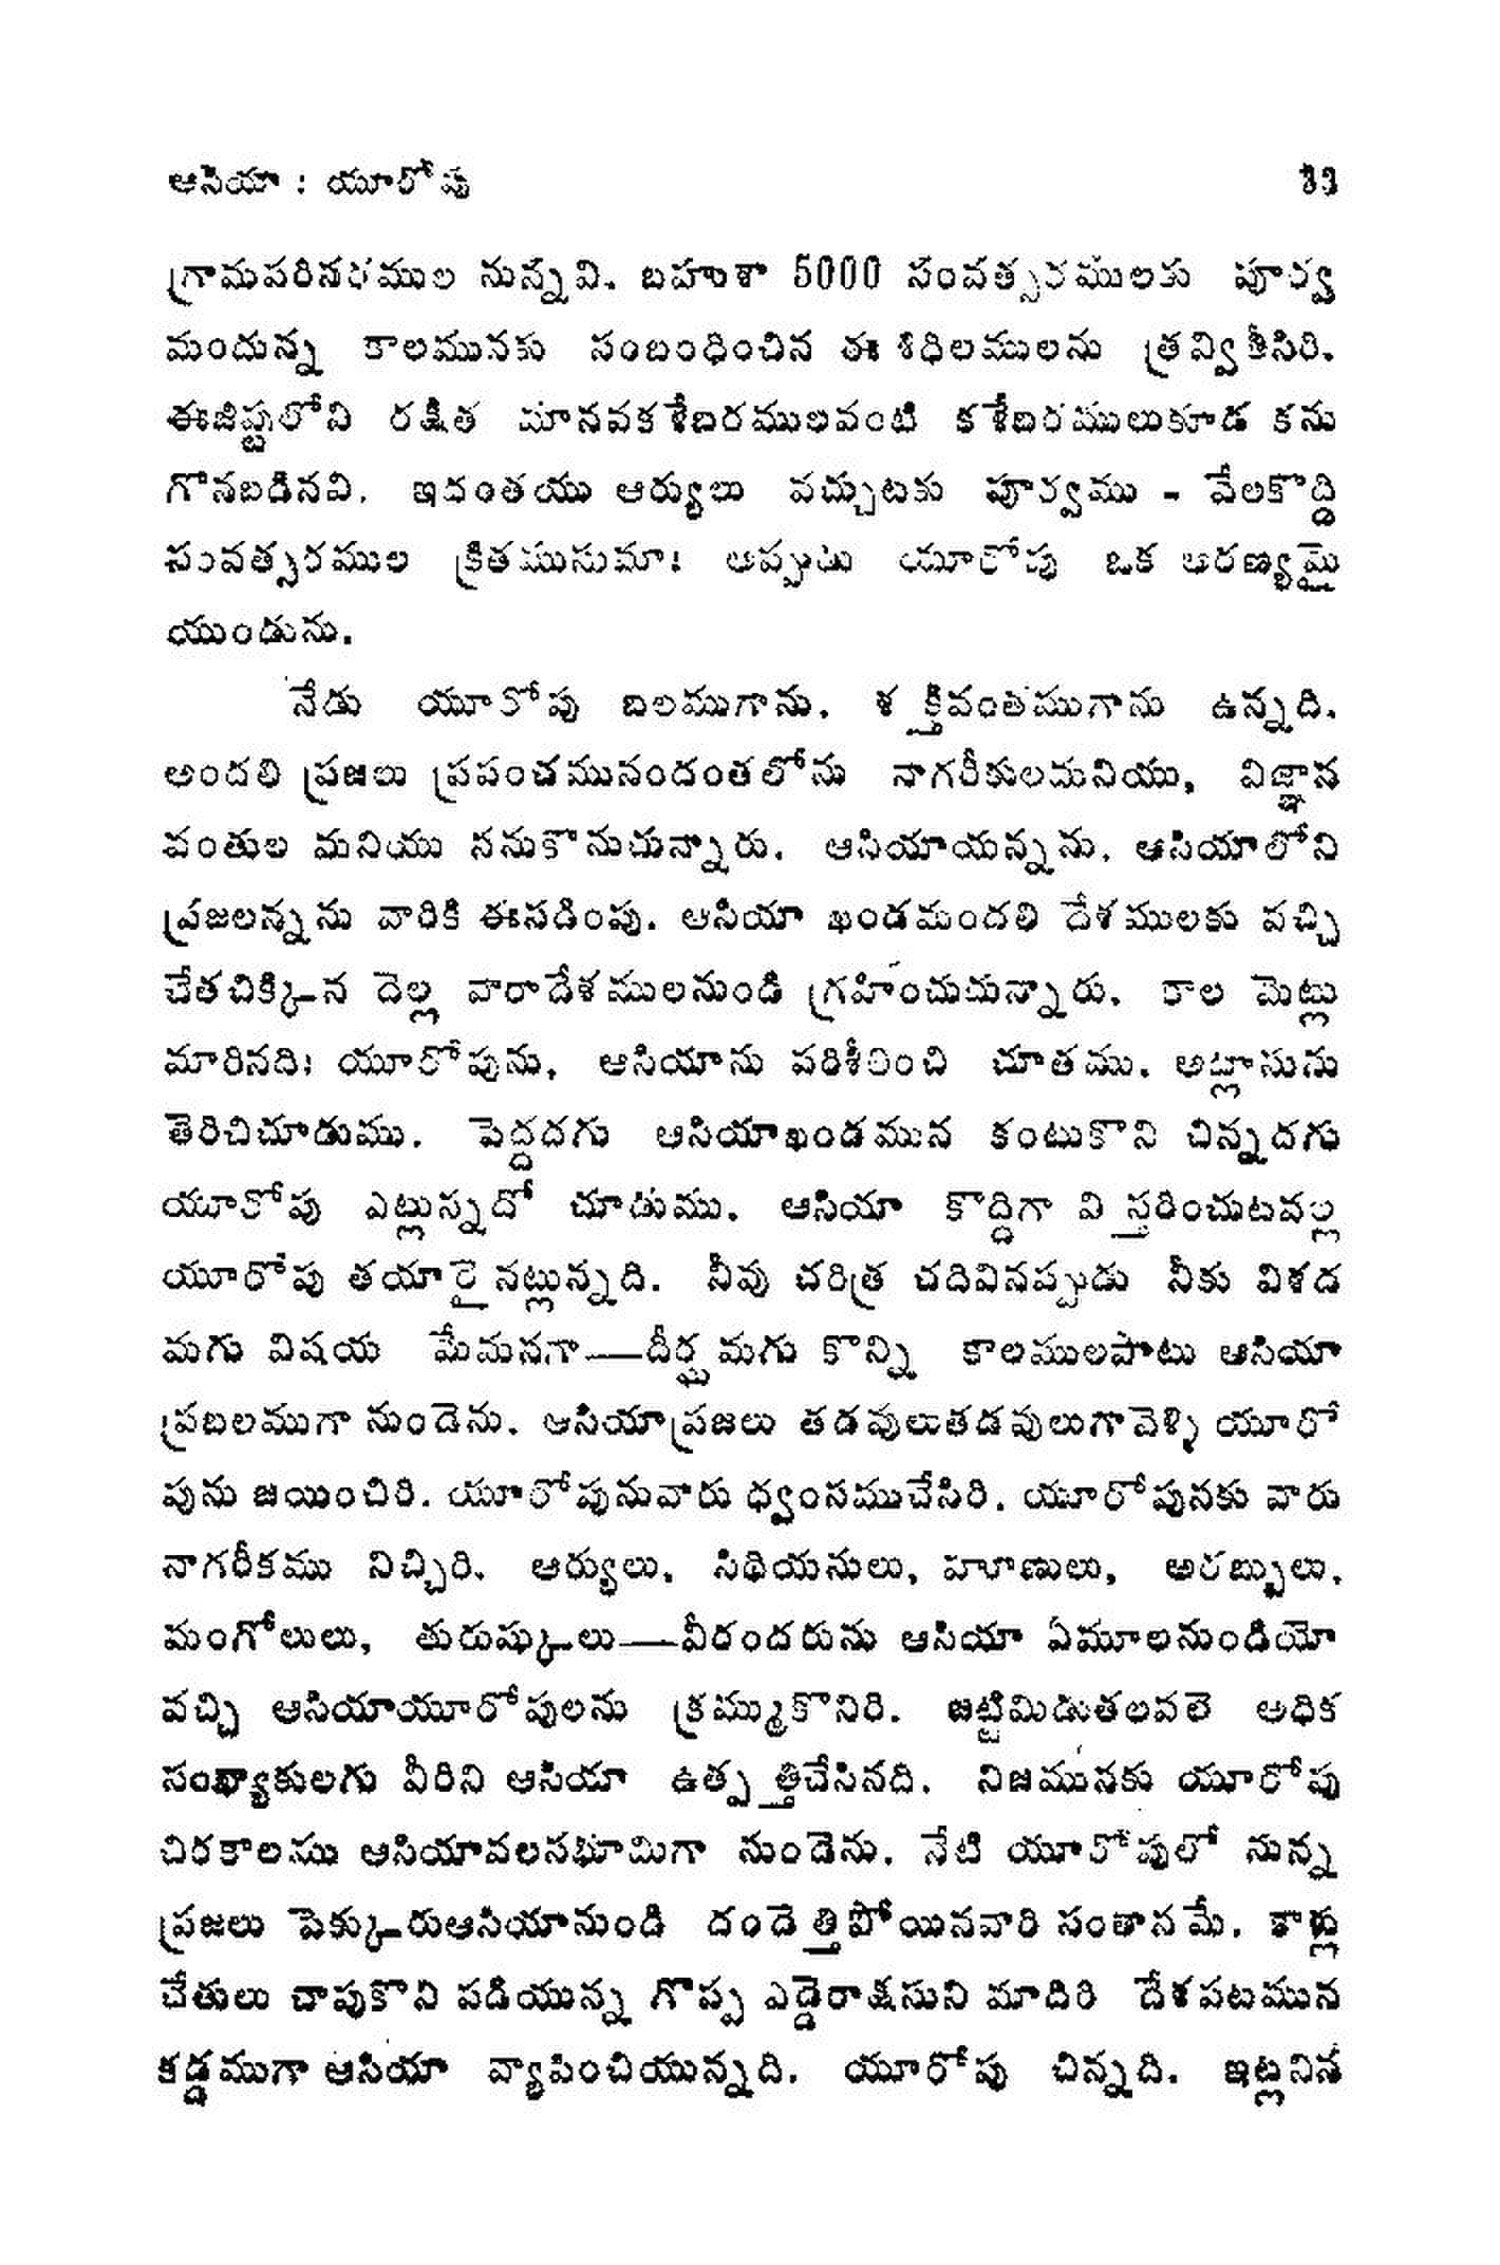గ్రామ పరిసరముల నున్నవి. బహుశా 5000 సంవత్సరములకు పూర్వమందున్న కాలమునకు సంబంధించిన ఈ శిధిలములను త్రవ్వితీసిరి, ఈజిప్టులోని రక్షిత మానవకళేబరములవంటి కళేబరములుకూడ కనుగొనబడినవి. ఇదంతయు ఆర్యులు వచ్చుటకు పూర్వము - వేలకొద్ది సంవత్సరముల క్రితమసుమా! అప్పుడు యూరోపు ఒక అరణ్యమై యుండును.

నేడు యూరోపు బలముగాను, శక్తివంతముగాను ఉన్నది. అందలి ప్రజలు ప్రపంచమునందంతలోను నాగరీకులమనియు, విజ్ఞానవంతుల మనియు ననుకొనుచున్నారు. ఆసియాయన్నను, ఆసియాలోని ప్రజలన్నను వారికి ఈసడింపు. ఆసియా ఖండమందలి దేశములకు వచ్చి చేత చిక్కిన దెల్ల వారాదేశములనుండి గ్రహించుచున్నారు, కాల మెట్లు మారినది: యూరోపును, ఆసియాను పరిశీలించి చూతము. అట్లాసును తెరిచిచూడుము. పెద్దదగు ఆసియాఖండమున కంటుకొని చిన్నదగు యూరోపు ఎట్లున్నదో చూడుము. ఆసియా కొద్దిగా విస్తరించుటవల్ల యూరోపు తయారై నట్లున్నది. నీవు చరిత్ర చదివినప్పుడు నీకు విశదమగు విషయ మేమనగా...దీర్ఘ మగు కొన్ని కాలములపాటు ఆసియా ప్రబలముగా నుండెను. ఆసియాప్రజలు తడవులు తడవులుగా వెళ్ళి యూరోపును జయించిరి. యూరోపునువారు ధ్వంసముచేసిరి. యూరోపునకు వారు నాగరీకము నిచ్చిరి. ఆర్యులు, సిథియనులు, హూణులు, అరబ్బులు, మంగోలులు, తురుష్కులు -- వీరందరును ఆసియా ఏమూలనుండియో వచ్చి ఆసియాయూరోపులను క్రమ్ముకొనిరి. జట్టిమిడుతలవలె అధిక సంఖ్యాకులగు వీరిని ఆసియా ఉత్పత్తిచేసినది. నిజమునకు యూరోపు చిరకాలము ఆసియావలసభూమిగా నుండెను. నేటి యూరోపులో నున్న ప్రజలు పెక్కురుఆసియానుండి దండెత్తి పోయినవారి సంతానమే. కాళ్లు చేతులు చాపుకొని పడియున్న గొప్ప ఎడ్డెరాక్షసుని మాదిరి దేశపటమున కడ్డముగా ఆసియా వ్యాపించియున్నది. యూరోపు చిన్నది. ఇట్లనిన